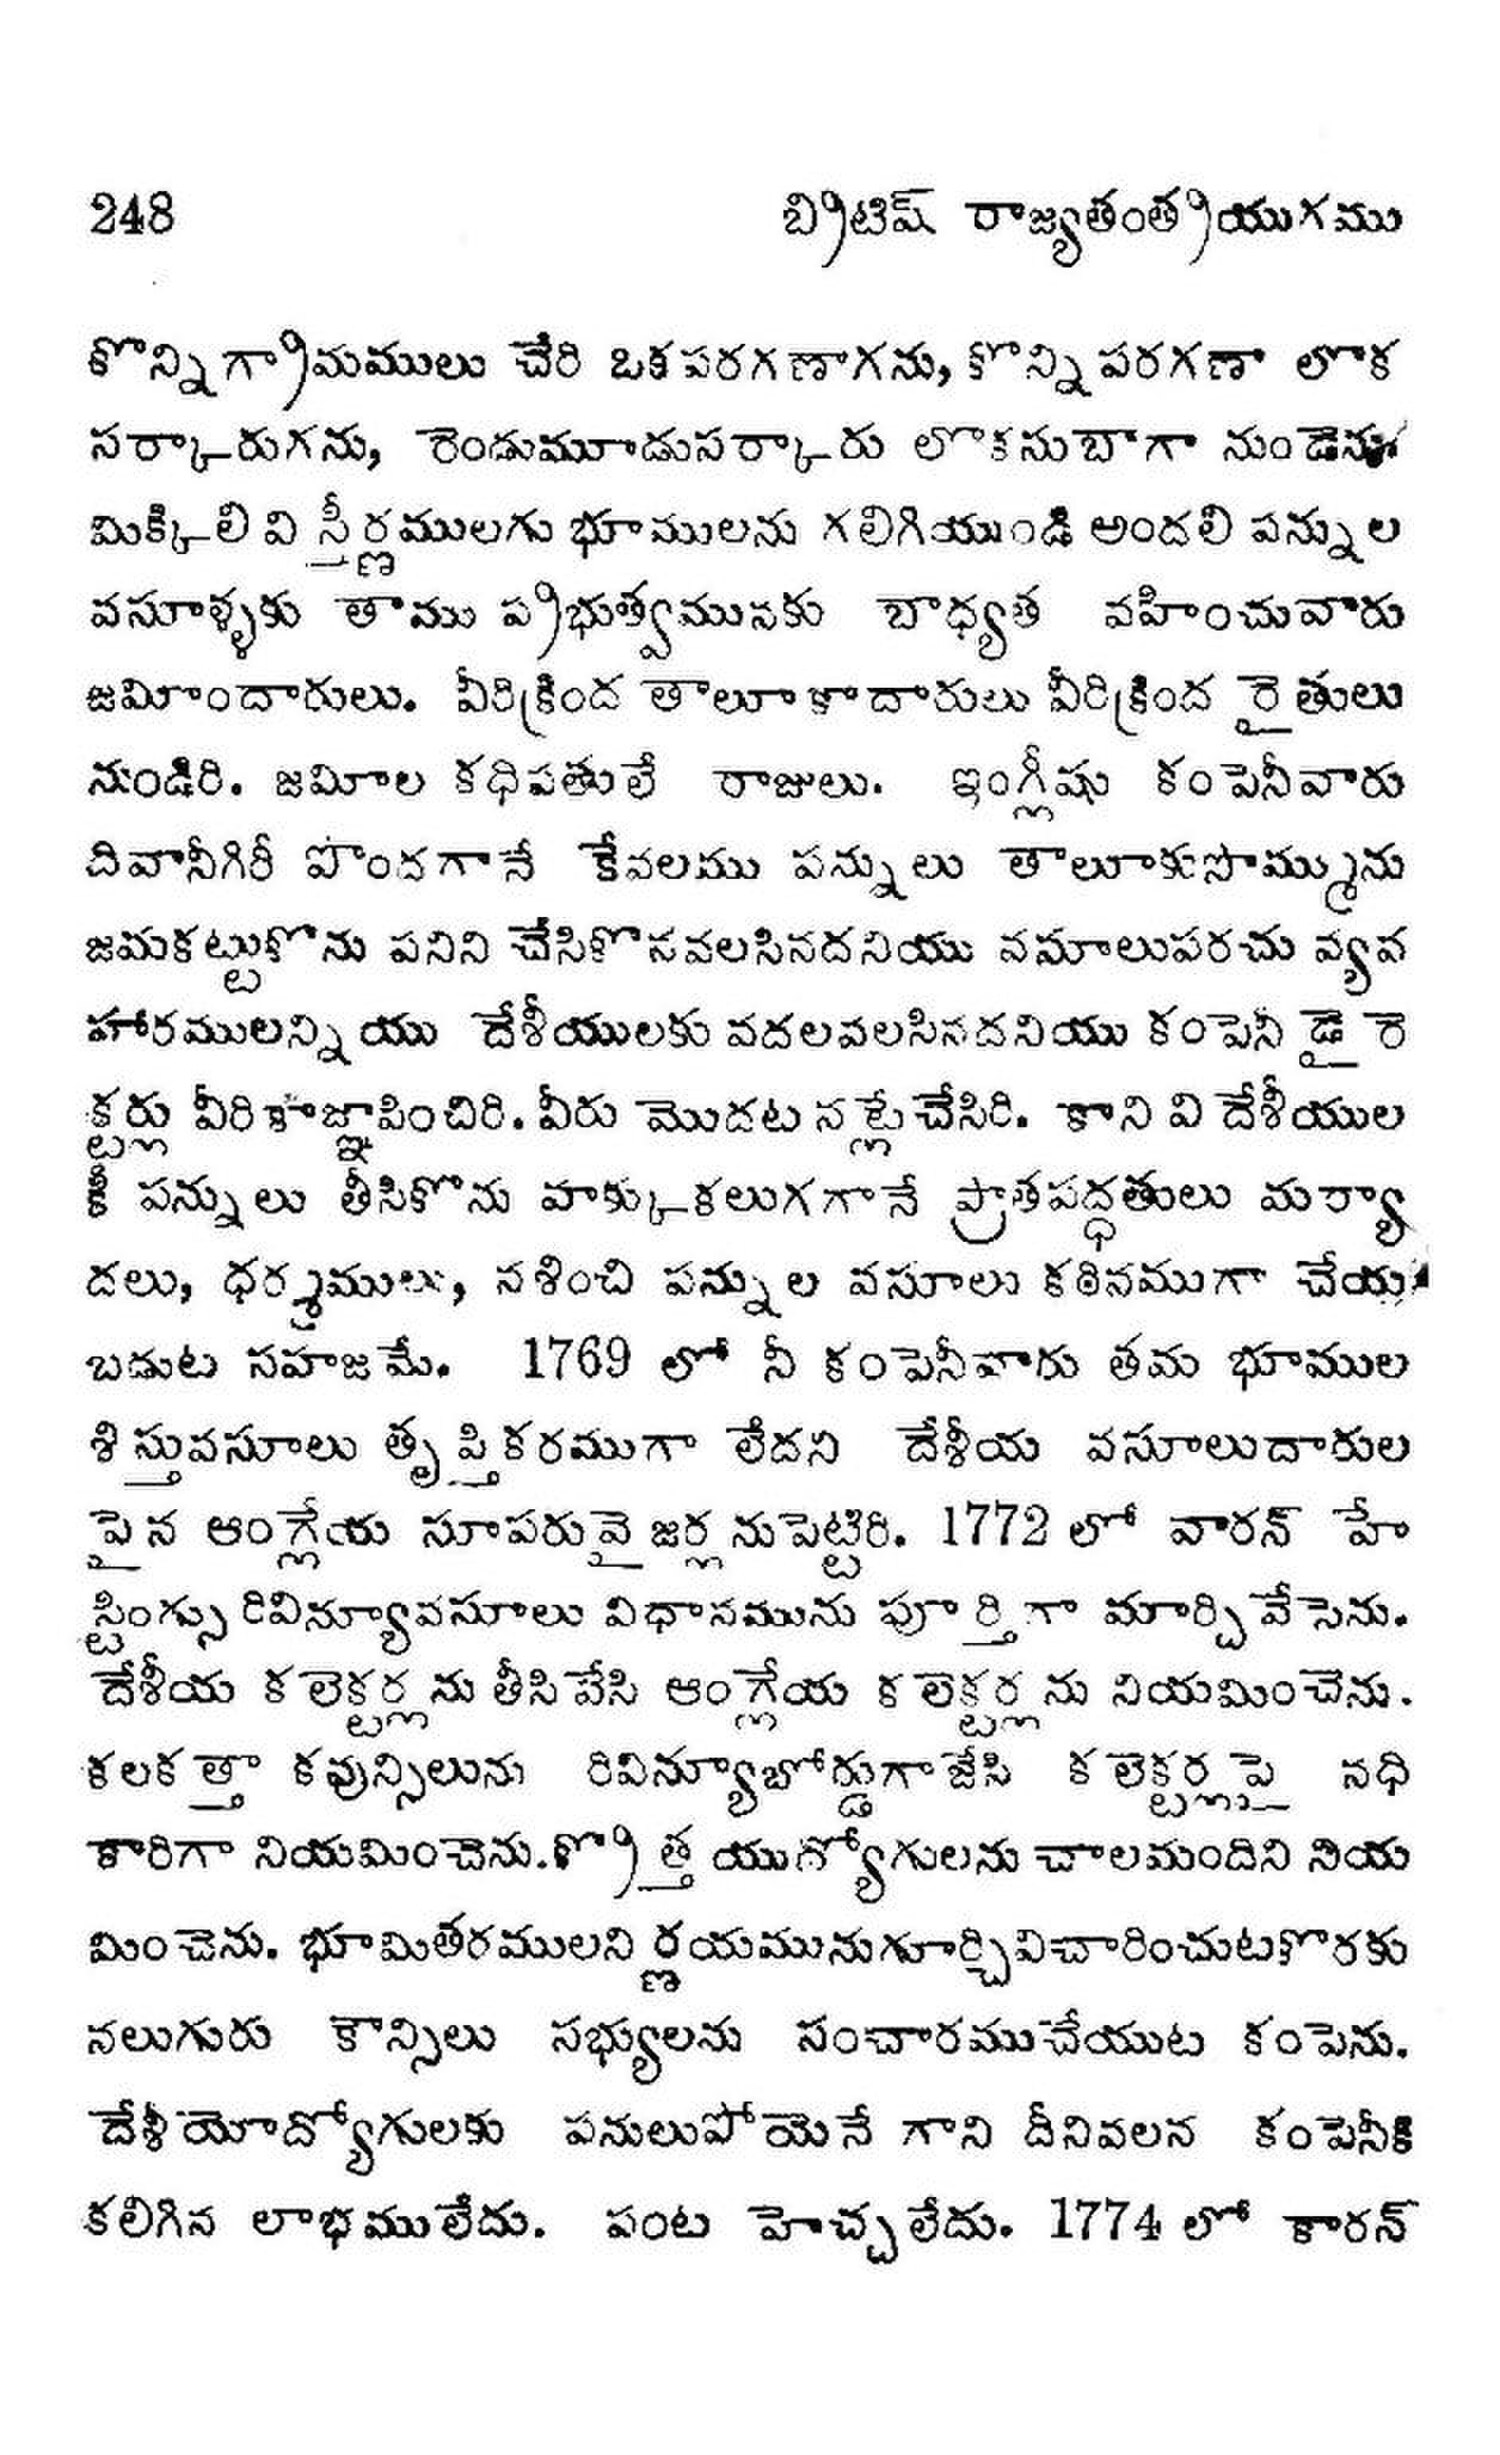కొన్నిగ్రామములు చేరి ఒకపరగణాగను, కొన్నిపరగణా లొక సర్కారుగను, రెండుమూడుసర్కారు లొకసుబాగా నుండెను మిక్కిలివిస్తీర్ణములగు భూములను గలిగియుండి అందలి పన్నుల వసూళ్ళకు తాము ప్రభుత్వమునకు బాధ్యత వహించువారు జమీందారులు. వీరిక్రింద తాలూకాదారులు వీరిక్రింద రైతులు నుండిరి. జమీల కధిపతులే రాజులు. ఇంగ్లీషు కంపెనీవారు దివానీగిరీ పొందగానే కేవలము పన్నులు తాలూకుసొమ్మును జమకట్టుకొను పనిని చేసికొనవలసినదనియు వసూలుపరచు వ్యవహారములన్నియు దేశీయులకు వదలవలసినదనియు కంపెనీ డైరెక్టర్లు వీరి కాజ్ఞాపించిరి. వీరు మొదట నట్లే చేసిరి. కాని విదేశీయుల కీ పన్నులు తీసికొను హక్కుకలుగగానే ప్రాతపద్ధతులు మర్యాదలు, ధర్మములు, నశించి పన్నుల వసూలు కఠినముగా చేయిబడుట సహజమే. 1769 లో నీ కంపెనీవారు తమ భూముల శిస్తువసూలు తృప్తికరముగా లేదని దేశీయ వసూలుదారులపైన ఆంగ్లేయ సూపరువైజర్లను పెట్టిరి. 1772 లో వారన్ హేస్టింగ్సు రివిన్యూవసూలు విధానమును పూర్తిగా మార్చివేసెను. దేశీయ కలెక్టర్లను తీసివేసి ఆంగ్లేయ కలెక్టర్లను నియమించెను. కలకత్తా కవున్సిలును రివిన్యూబోర్డుగాజేసి కలెక్టర్లపై నధికారిగా నియమించెను. క్రొత్తయుద్యోగులను చాలమందిని నియమించెను. భూమితరములనిర్ణయమును గూర్చి విచారించుటకొరకు నలుగురు కౌన్సిలు సభ్యులను సంచారముచేయుట కంపెను. దేశీయోద్యోగులకు పనులుపోయెనే గాని దీనివలన కంపెనీకి కలిగిన లాభములేదు. పంట హెచ్చలేదు. 1774 లో కారన్